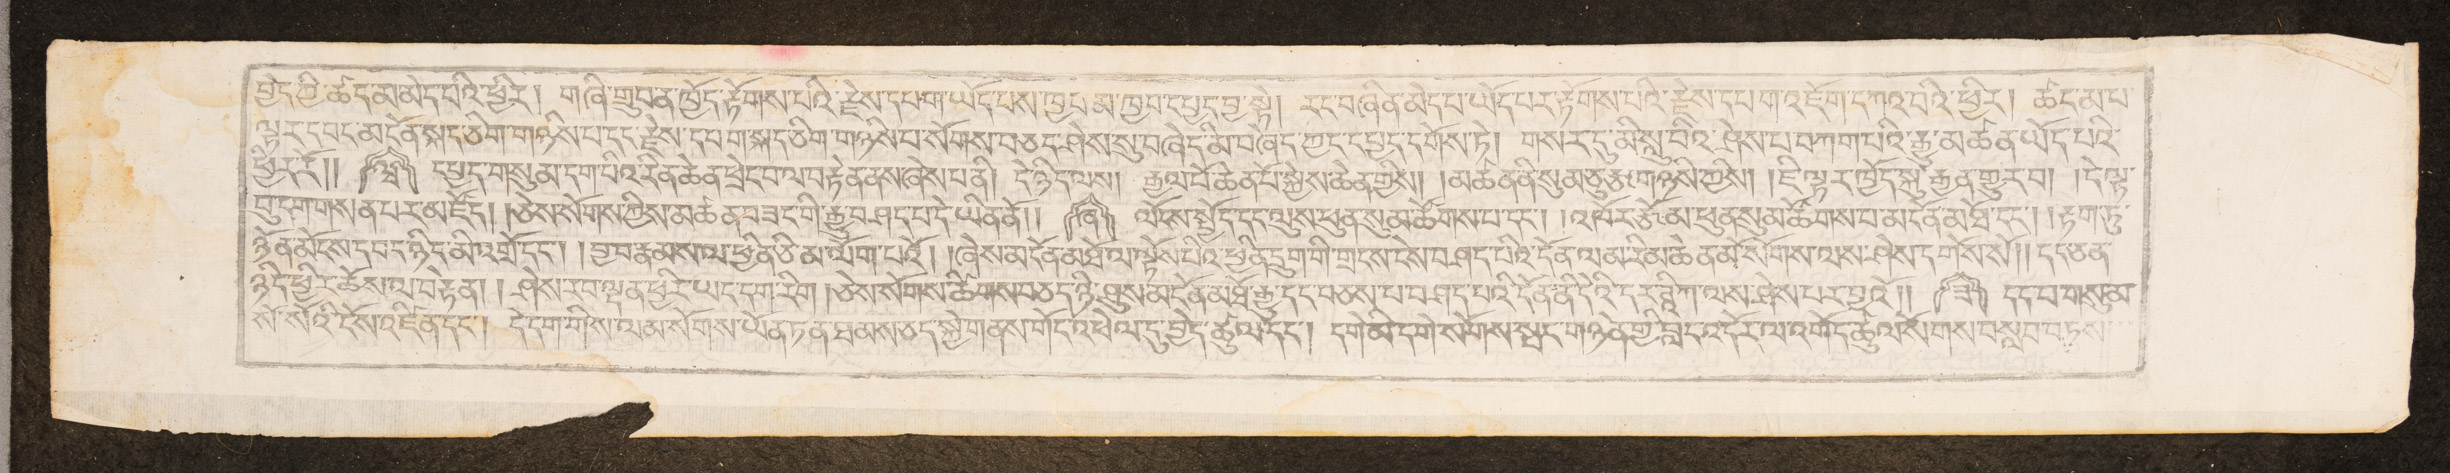བྱེད་ཀྱི་ཚད་མ་མེད་པའི་ཕྱིར། གཞི་གྲུབ་ན་ཁྱོད་རྟོགས་པའི་རྗེས་དཔག་ཡོད་པས་ཁྱབ་མ་ཁྱབ་དཔྱད་བྱ་སྟེ། རང་བཞིན་མེད་པ་ཡོད་པར་རྟོགས་པའི་རྗེས་དཔག་འཇོག་དཀའ་བའི་ཕྱིར། ཚད་མ་པ་
ལྟར་དབང་མངོན་སྐད་ཅིག་གཉིས་པ་དང་རྗེས་དཔག་སྐད་ཅིག་གཉིས་པ་སོགས་བཅད་ཤེས་སུ་བཞེད་མི་བཞེད་ཀྱང་དཔྱད་དགོས་ཏེ། གསར་དུ་མི་སླུ་བའི་ཤེས་པ་བཀག་པའི་རྒྱུ་མཚན་ཡོད་པའི་
ཕྱིར་རོ།། ༼༽ཝ༼༽ དཔྱད་གསུམ་དག་པའི་རིན་ཆེན་ཕྲེང་བ་ལ་བརྟེན་ནས་ཞེས་པ་ནི། དེ་ཉིད་ལས། རྒྱལ་པོ་ཆེན་པོ་སྐྱེས་ཆེན་གྱིས། །མཚན་ནི་སུམ་ཅུ་རྩ་གཉིས་ཀྱིས། །ཇི་ལྟར་ཁྱོད་སྐུ་རྒྱན་གྱུར་བ། །དེ་ལྟ་
བུ་དག་གསན་པར་མཛོད། །ཅེས་སོགས་ཀྱིས་མཚན་བཟང་གི་རྒྱུ་བཤད་པ་དེ་ཡིན་ནོ།། ༼༽ཞ༼༽ ལོངས་སྤྱོད་དང་ལུས་ཕུན་སུམ་ཚོགས་པ་དང་། །འཁོར་རྩོམ་ཕུན་སུམ་ཚོགས་པ་མངོན་མཐོ་དང་། །རྟག་ཏུ་
ཉོན་མོངས་དབང་ཉིད་མི་འགྲོ་དང་། །བྱ་བ་རྣམས་ལ་ཕྱིན་ཅི་མ་ལོག་པའོ། །ཞེས་མངོན་མཐོ་ལ་ལྟོས་པའི་ཕྱིན་དྲུག་གི་གྲངས་ངེས་བཤད་པའི་དོན་ལམ་རིམ་ཆེན་མོ་སོགས་ལས་ཤེས་དགོས་སོ།། དད་ཅན་
ཉིད་ཕྱིར་ཆོས་ལ་བརྟེན། །ཤེས་རབ་ལྡན་ཕྱིར་ཡང་དག་རིག །ཅེས་སོགས་ཚིགས་བཅད་ཉི་ཤུས་མངོན་མཐོ་རྒྱུ་དང་བཅས་པ་བཤད་པའི་དོན་ནི་དེའི་དར་ཊཱིཀ་ལས་ཤེས་པར་བྱའོ།། ༼༽ཟ༼༽ དད་པ་གསུམ་
སོ་སོའི་ངོས་འཛིན་དང་། དེ་དག་གིས་ལམ་སོགས་ཡོན་ཏན་ཐམས་ཅད་སྐྱེ་གནས་གོང་འཕེལ་དུ་བྱེད་ཚུལ་དང་། དགེ་མི་དགེ་སོགས་སྤང་གཉེན་གྱི་བླང་འདོར་ལ་འགོད་ཚུལ་སོགས་བསླབ་བཏུས་